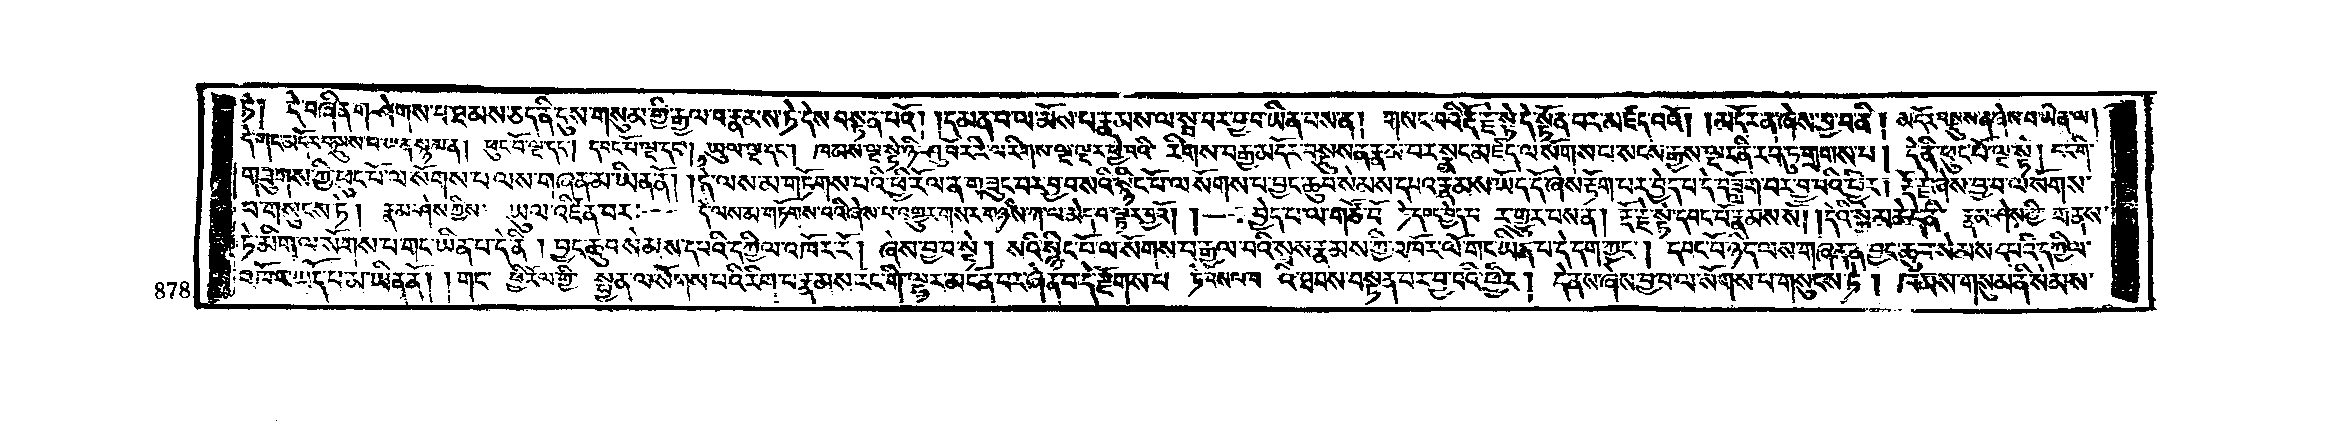ཏེ། དེ་བཞིན་གཤེགས་པ་ཐམས་ཅད་ནི་དུས་གསུམ་གྱི་རྒྱལ་བ་རྣམས་ཏེ་དེས་བསྟན་པའོ། །དམན་པ་ལ་མོས་པ་རྣམས་ལ་སྦ་བར་བྱ་བ་ཡིན་པས་ན། གསང་བའི་རྡོ་རྗེ་སྟེ་དེ་སྟོན་པར་མཛད་པའོ། །མདོར་ན་ཞེས་བྱ་བ་ནི། མདོར་བསྡུས་ན་ཞེས་པ་ཡིན་ལ།
དེ་གང་མདོར་བསྡུས་པ་ཡིན་སྙམ་ན། ཕུང་པོ་ལྔ་དང་། དབང་པོ་ལྔ་དང་། ཡུལ་ལྔ་དང་། ཁམས་ལྔ་སྟེ་ཉི་ཤུ་པོ་རེ་རེ་ལ་རིགས་ལྔ་ལྔར་ཕྱེ་བའི་རིགས་བརྒྱ་མདོར་བསྡུས་ན་རྣམ་པར་སྣང་མཛད་ལ་སོགས་པ་སངས་རྒྱས་ལྔར་ནི་རབ་ཏུ་གྲགས་པ། དེ་ནི་ཕུང་པོ་ལྔ་སྟེ། རང་གི་
གཟུགས་ཀྱི་ཕུང་པོ་ལ་སོགས་པ་ལས་གཞན་མ་ཡིན་ནོ། །དེ་ལས་མ་གཏོགས་པའི་ཕྱི་རོལ་ན་གཟུང་བར་བྱ་བ་སའི་སྙིང་པོ་ལ་སོགས་པ་བྱང་ཆུབ་སེམས་དཔའ་རྣམས་ཡོད་དོ་ཞེས་རྟོག་པར་བྱེད་པ་དེ་བཟློག་པར་བྱ་བའི་ཕྱིར། རྡོ་རྗེ་ཞེས་བྱ་བ་ལ་སོགས་
པ་གསུངས་ཏེ། རྣམ་ཤེས་ཀྱིས་ཡུལ་འཛིན་པརཿ་དེ་ལས་མ་གཏོགས་པའི་ཞེས་པ་འགྱུར་གསར་གཉིས་ཀ་ལ་མེད་པ་ལྟར་བྱའོ།།  H.་བྱེད་པ་ལ་གཙོ་བོ་ཏེ་དབང་བྱེད་པར་གྱུར་པས་ན། རྡོ་རྗེ་སྟེ་དབང་པོ་རྣམས་སོ། །དེའི་སྐྱེ་མཆེད་ནི་རྣམ་ཤེས་ཀྱི་གནས་
ཏེ་མིག་ལ་སོགས་པ་གང་ཡིན་པ་དེ་ནི། བྱང་ཆུབ་སེམས་དཔའི་དཀྱིལ་འཁོར་རོ། ཞེས་བྱ་བ་སྟེ། སའི་སྙིང་པོ་ལ་སོགས་པ་རྒྱལ་བའི་སྲས་རྣམས་ཀྱི་འཁོར་ལོ་གང་ཡིན་པ་དེ་དག་ཀྱང་། དབང་པོ་ཉིད་ལས་གཞན་ན་བྱང་ཆུབ་སེམས་དཔའི་དཀྱིལ་
འཁོར་ཡོད་པ་མ་ཡིན་ནོ། །གང་ཕྱི་རོལ་གྱི་སྤྱན་ལ་སོགས་པའི་རིག་པ་རྣམས་རང་གི་ལྷར་མངོན་པར་ཞེན་པ་དེ་རྫོགས་པ་ཏེ་བསལ་བའི་ཐབས་བསྟན་པར་བྱ་བའི་ཕྱིར། དེ་ནས་ཞེས་བྱ་བ་ལ་སོགས་པ་གསུངས་ཏེ། ཁམས་གསུམ་ནི་སེམས་